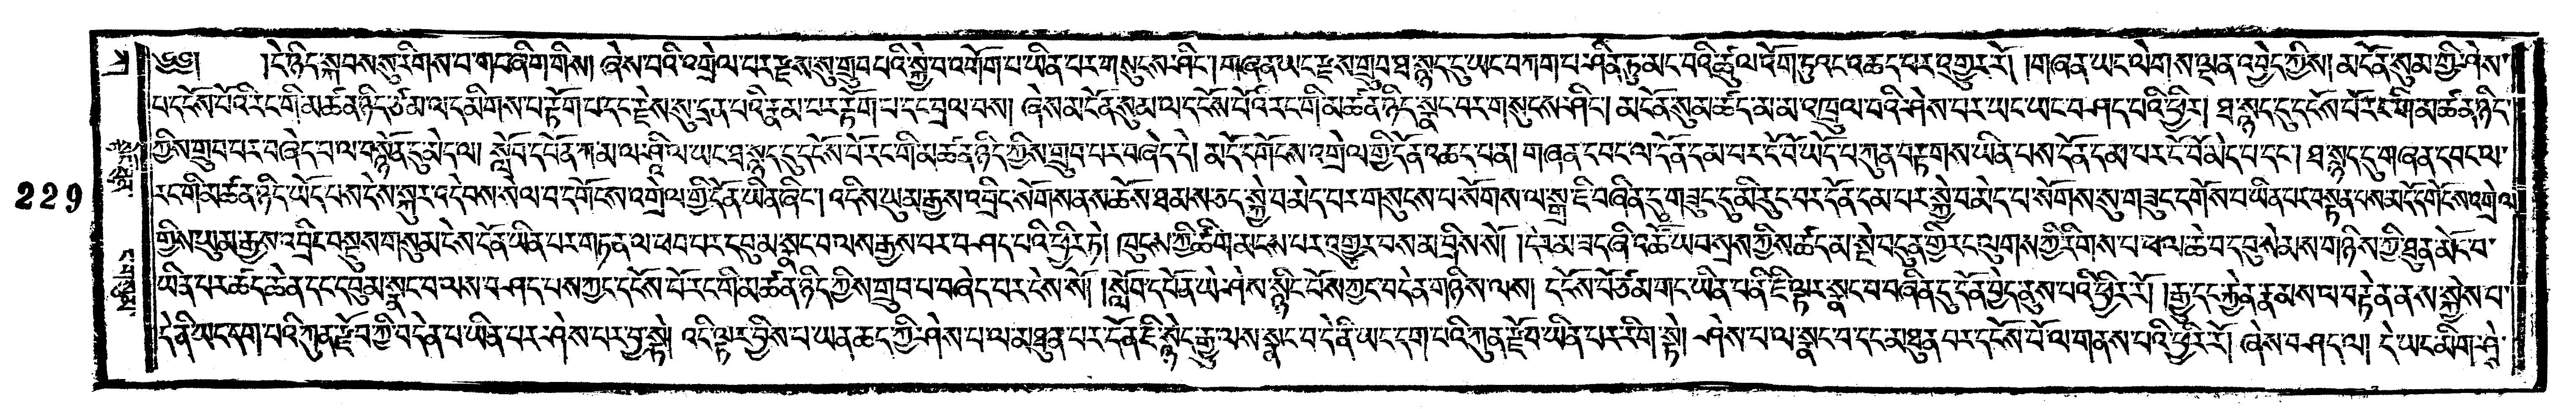༄༅། །དེ་ཉིད་སྐབས་སུ་རིགས་བ་གང་ཞིག་གིས། ཞེས་བའི་འགྲེལ་པར་རྫས་སུ་གྲུབ་པའི་སྐྱེ་བ་འགོག་པ་ཡིན་པར་གསུངས་ཤིང་། གཞན་ཡང་རྫས་གྲུབ་ཐ་སྙད་དུ་ཡང་བཀག་པ་ཤིན་ཏུ་མང་བའི་ཚུལ་འོག་ཏུའང་འཆད་བར་འགྱུར་རོ། །གཞན་ཡང་ལེགས་ལྡན་འབྱེད་ཀྱིས། མངོན་སུམ་གྱི་ཤེས་
པ་དངོས་པོའི་རང་གི་མཚན་ཉིད་ཙམ་ལ་དམིགས་པ་རྟོག་པ་དང་རྗེས་སུ་དྲན་པའི་རྣམ་པར་རྟོག་པ་དང་བྲལ་བས། ཞེས་མངོན་སུམ་ལ་དངོས་པོའི་རང་གི་མཚན་ཉིད་སྣང་བར་གསུངས་ཤིང་། མངོན་སུམ་ཚད་མ་མ་འཁྲུལ་བའི་ཤེས་པར་ཡང་ཡང་བཤད་པའི་ཕྱིར། ཐ་སྙད་དུ་དངོས་པོ་རང་གི་མཚན་ཉིད་
ཀྱིས་གྲུབ་པར་བཞེད་བ་ལ་བསྙོན་དུ་མེད་ལ། སློབ་དཔོན་ཀ་མ་ལ་ཤཱི་ལ་ཡང་ཐ་སྙད་དུ་དངོས་པོ་རང་གི་མཚན་ཉིད་ཀྱིས་གྲུབ་པར་བཞེད་དེ། མདོ་དགོངས་འགྲེལ་གྱི་དོན་འཆད་པ་ན། གཞན་དབང་ལ་དོན་དམ་བར་ངོ་བོ་ཡོད་པ་ཀུན་བརྟགས་ཡིན་པས་དོན་དམ་པར་ངོ་བོ་མེད་པ་དང་། ཐ་སྙད་དུ་གཞན་དབང་ལ་
རང་གི་མཚན་ཉིད་ཡོད་པས་དེས་སྐུར་འདེབས་སེལ་བ་དགོངས་འགྲེལ་གྱི་དོན་ཡིན་ཞིང་། འདིས་ཡུམ་རྒྱས་འབྲིང་སོགས་ནས་ཆོས་ཐམས་ཅད་སྐྱེ་བ་མེད་པར་གསུངས་པ་སོགས་ལ་སྒྲ་ཇི་བཞིན་དུ་གཟུང་དུ་མི་རུང་བར་དོན་དམ་བར་སྐྱེ་བ་མེད་པ་སོགས་སུ་གཟུང་དགོས་པ་ཡིན་པར་བསྟན་པས་མདོ་དགོངས་འགྲེལ་
གྱིས་ཡུམ་རྒྱས་འབྲིང་བསྡུས་གསུམ་ངེས་དོན་ཡིན་པར་གཏན་ལ་ཕབ་པར་དབུ་མ་སྣང་བ་ལས་རྒྱས་བར་བཤད་པའི་ཕྱིར་ཏེ། ཁུངས་ཀྱི་ཚིག་མངས་པར་འགྱུར་བས་མ་བྲིས་སོ། །དེར་མ་ཟད་ཞི་འཚོ་ཡབ་སྲས་ཀྱིས་ཚད་མ་སྡེ་བདུན་གྱི་རང་ལུགས་ཀྱི་རིགས་པ་ཕལ་ཆེ་བ་དབུ་སེམས་གཉིས་ཀྱི་ཐུན་མོང་བ་
ཡིན་པར་ཚད་ཆེན་དང་དབུ་མ་སྣང་བ་ལས་བཤད་པས་ཀྱང་དངོས་པོ་རང་གི་མཚན་ཉིད་ཀྱིས་གྲུབ་པ་བཞེད་པར་ངེས་སོ། །སློབ་དཔོན་ཡེ་ཤེས་སྙིང་པོས་ཀྱང་བདེན་གཉིས་ལས། དངོས་པོ་ཙམ་གང་ཡིན་པ་ནི་ཇི་ལྟར་སྣང་བ་བཞིན་དུ་དོན་བྱེད་ནུས་པའི་ཕྱིར་རོ། །རྒྱུ་དང་རྐྱེན་རྣམས་ལ་བརྟེན་ནས་སྐྱེས་པ་
དེ་ནི་ཡང་དག་པའི་ཀུན་རྫེབ་?་ཀྱི་བདེན་པ་ཡིན་པར་ཤེས་པར་བྱ་སྟེ། འདི་ལྟར་བྱིས་པ་ཡན་ཆད་ཀྱི་ཤེས་པ་ལ་མཐུན་པར་དོན་ཇི་སྙེད་རྒྱུ་ལས་སྣང་བ་དེ་ནི་ཡང་དག་པའི་ཀུན་རྫོབ་ཡིན་པར་རིག་སྟེ། ཤེས་པ་ལ་སྣང་བ་དང་མཐུན་པར་དངོས་པོ་ལ་གནས་པའི་ཕྱིར་རོ། ཞེས་བཤད་ལ། དེ་ཡང་མིག་ཤེས་